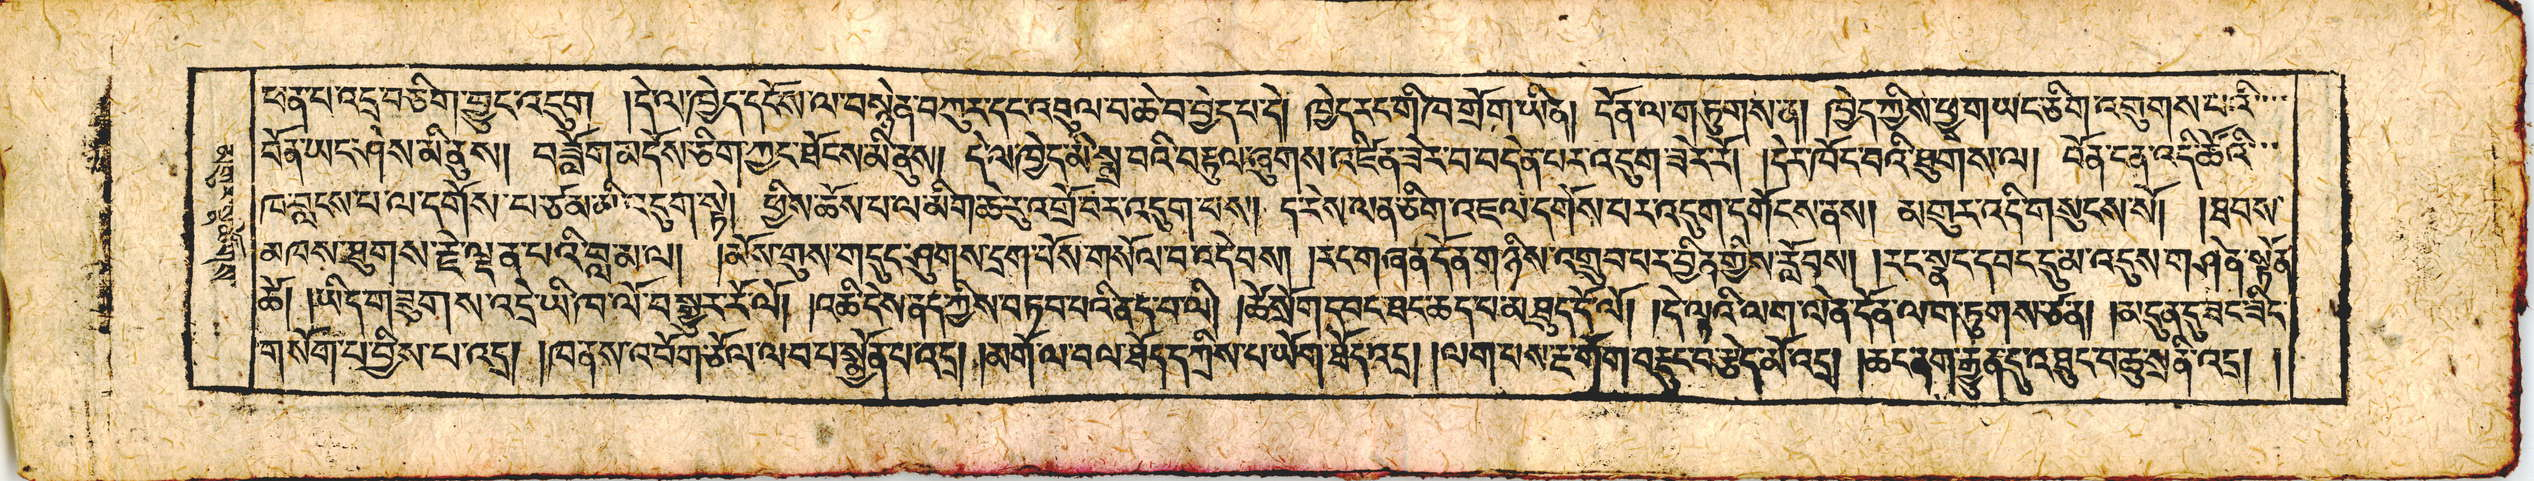ཕན་པ་འདྲ་བ་ཅིག་བྱུང་འདུག །དེ་ལ་ཁྱེད་དངོས་ལ་བསྙེན་བཀུར་དང་འབུལ་བ་ཆེ་བ་བྱེད་པ་དེ། ཁྱེདརང་གི་ཁ་གྲོག་ཡིན། དོན་ལ་གཏུགས་ན། ཁྱེད་ཀྱིས་ཕྱ་གཡང་ཅིག་འགུགས་པའི་
བོན་ཡང་ཤེས་མི་ནུས། བཟློག་མདོས་ཅིག་ཀྱང་ཐོངས་མི་ནུས། དེ་ལ་ཁྱེད་མི་སྨྲ་བའི་བརྟུལ་ཞུགས་འཛིན་ཟེར་བ་བདེན་པར་འདུག་ཟེར་རོ། །དེར་ཁོང་བའི་ཐུགས་ལ། བོན་ངན་འདི་ཚོའི་
ཁ་བླངས་པ་ལ་དགོས་པ་ཙམ་་འདུག་སྟེ། ཕྱིས་ཆོས་པ་ལ་མིག་ཆེ་རུ་འགྲོ་བར་འདུག་པས། ད་རེས་ལན་ཅིག་འཇལ་དགོས་པར་འདུག་དགོངས་ནས། མགུར་འདི་གསུངས་སོ། །ཐབས་
མཁས་ཐུགས་རྗེ་ལྡན་པའི་བླ་མ་ལ། །མོས་གུས་གདུང་ཤུགས་དྲག་པོས་གསོལ་བ་འདེབས། །རང་གཞན་དོན་གཉིས་འགྲུབ་པར་བྱིན་གྱིས་རློབས། །རང་སྣང་དབང་དུ་མ་འདུས་གཤེན་སྟོན་
ཚོ། །ཡིད་གཟུགས་འདྲེ་ཡི་ཁ་ལོ་བསྒྱུར་རོ་ལོ། །འཆི་ངེས་ནད་ཀྱིས་བཏབ་པའི་ནད་པ་ཡི། །ཚེ་སྲོག་དབང་ཐང་ཆད་པ་མཐུད་དོ་ལོ། །དེ་ལྟའི་ལག་ལེན་དོན་ལ་གཏུགས་ཙ་ན། །མདུན་དུ་ཟང་ཟིང་
གསོག་པ་བྱིས་པ་འདྲ། །ཁ་ནས་འབོག་ཅོལ་ལབ་པ་སྙོན་པ་འདྲ། །མགོ་ལ་བལ་ཐོད་དཀྲིས་པ་ཡོག་ཐོད་འདྲ། །ལག་པས་རྔ་གོག་བརྡུང་བ་རྩེད་མོ་འདྲ། །ཆང་ནག་རྒྱུུན་དུ་འཐུང་བ་ཆུ་སྲིན་འདྲ། །